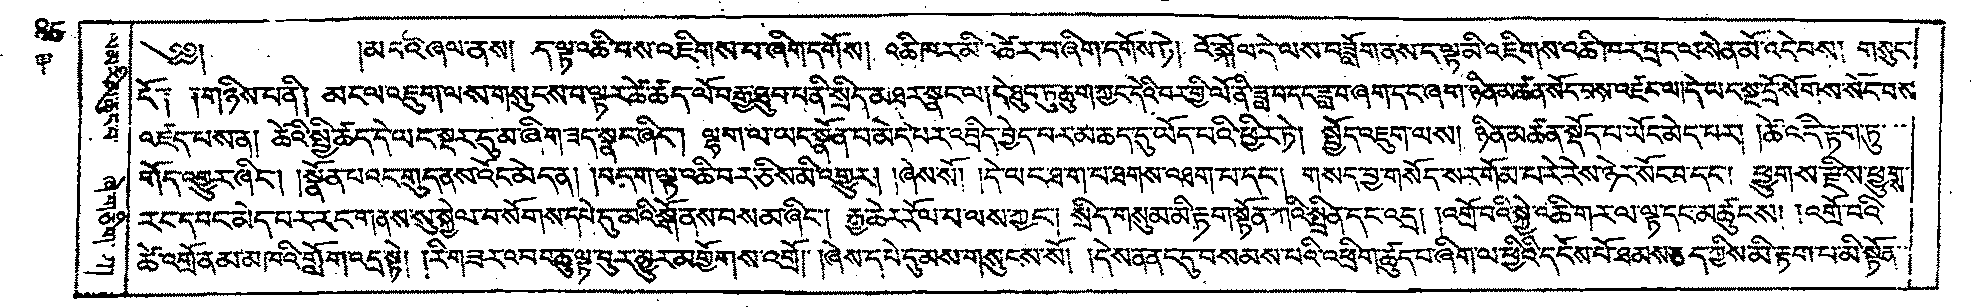༄༅། །མངའ་ཞལ་ནས། ད་ལྟ་འཆི་བས་འཇིགས་པ་ཞིག་དགོས། འཆི་ཁར་མི་འཚེར་བ་ཞིག་དགོས་ཏེ། འོ་སྐོལ་དེ་ལས་བཟློག་ནས་ད་ལྟ་མི་འཇིགས་འཆི་ཁར་བྲང་ལ་སེན་མོ་འདེབས། གསུང་
ངོ༑ ༑གཉིས་པ་ནི། མངལ་འཇུག་ལས་གསུངས་པ་ལྟར་ཚེ་ཚད་ལོ་བརྒྱ་ཐུབ་པ་ནི་སྲིད་མཐར་སྣང་ལ། དེ་ཐུབ་དུ་ཆུག་ཀྱང་དེའི་བར་གྱི་ལོ་ནི་ཟླ་བ་དང་ཟླ་བ་ཞག་དང་ཞག་ཉིན་མཚན་སོང་བས་འཛང་ལ། དེ་ཡང་སྔ་དྲོ་སོགས་སོང་བས་
འཛད་པས་ན། ཚེའི་སྤྱི་ཚད་དེ་ཡང་སྔར་དུ་མ་ཞིག་ཟད་སྣང་ཞིང་། ལྷག་ལ་ཡང་སྣོན་པ་མེད་པར་འབྲིད་བྱེད་པར་མ་ཆད་དུ་ཡོད་པའི་ཕྱིར་ཏེ། སྤྱོད་འཇུག་ལས། ཉིན་མཚན་སྡོད་པ་ཡོང་མེད་པར། །ཚེ་འདི་རྟག་ཏུ་
གོད་འགྱུར་ཞིང་། །སྣོན་པའང་གུད་ནས་འོང་མེད་ན། །བདག་ལྟ་འཆི་བར་ཅིས་མི་འགྱུར། །ཞེས་སོ། །དེ་ཡང་ཐ་ག་པ་ཐགས་འཐག་པ་དང་། གསད་བྱ་གསོད་སར་གོམ་པ་རེ་རེས་ཉེར་སོང་བ་དང་། ཕྱུགས་རྫིས་ཕྱུགས་
རང་དབང་མེད་པར་རང་གནས་སུ་སྐྱེལ་བ་སོགས་དཔེ་དུ་མའི་སྒོ་ནས་བསམ་ཞིང་། རྒྱ་ཆེར་རོལ་པ་ལས་ཀྱང་། སྲིད་གསུམ་མི་རྟག་སྟོན་ཀའི་སྤྲིན་དང་འདྲ། །འགྲོ་བའི་སྐྱེ་འཆི་གར་ལ་ལྟ་དང་མཚུངས། །འགྲོ་བའི་
ཚེ་འགྲོ་ནམ་མཁའི་གློག་འདྲ་སྟེ། །རི་གཟར་འབབ་ཆུ་ལྟ་བུར་མྱུར་མགྱོགས་འགྲོ། །ཞེས་དཔེ་དུ་མས་གསུངས་སོ། །དེས་ན་ནང་དུ་བསམས་པའི་འཕྲིག་ཚུད་པ་ཞིག་ལ་ཕྱིའི་དངོས་པོ་ཐམས་ཅད་ཀྱིས་མི་རྟག་པ་མི་སྟོན་